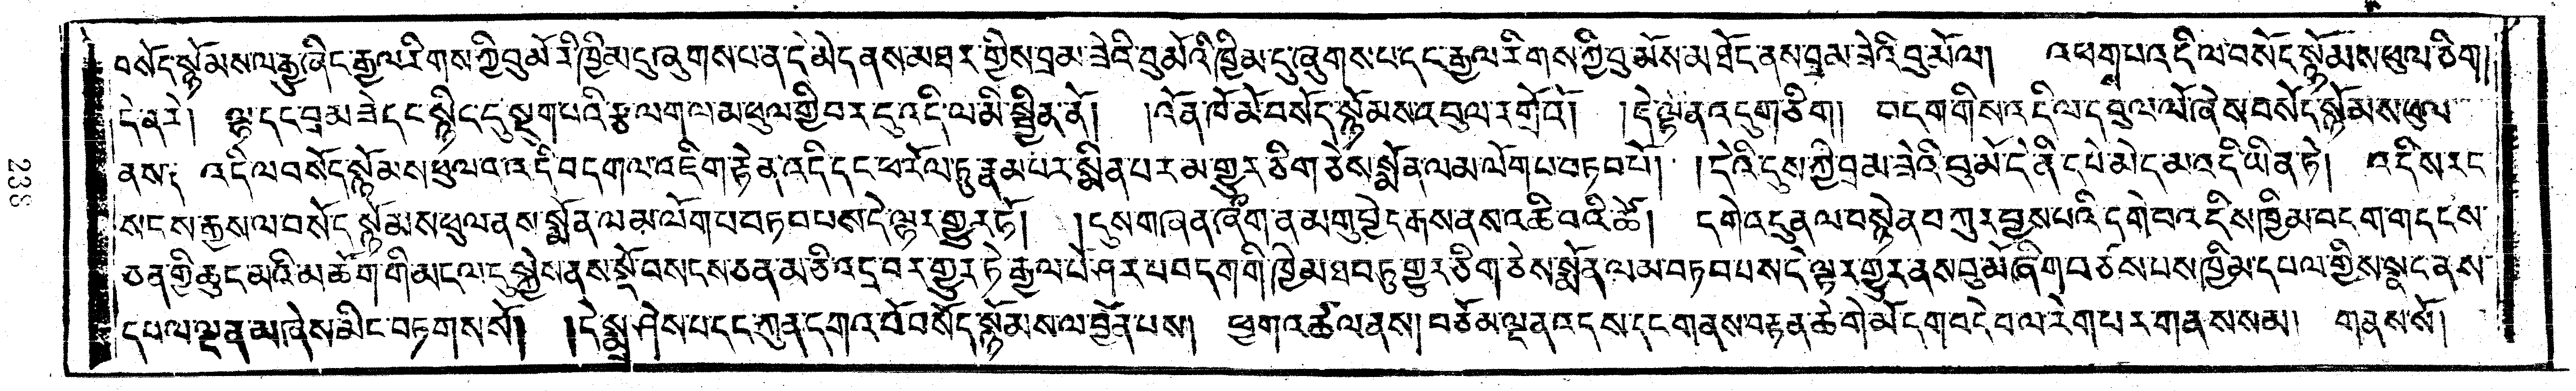བསོད་སྙོམས་ལ་རྒྱུ་ཞིང་རྒྱལ་རིགས་ཀྱི་བུ་མོ་རི་ཁྱིམ་དུ་ཞུགས་པ་ན་དེ་མེད་ནས་མཐར་གྱིས་བྲམ་ཟེའི་བུ་མོའི་ཁྱིམ་དུ་ཞུགས་པ་དང་རྒྱལ་རིགས་ཀྱི་བུ་མོས་མཐོང་ནས་བྲམ་ཟེའི་བུ་མོལ། འཕགས་པ་འདི་ལ་བསོད་སྙོམས་ཕུལ་ཅིག།
དེ་ན་རེ། ལྷ་དང་བྲམ་ཟེ་དང་སྙིང་དུ་སྡུག་པའི་རྩ་ལག་ལ་མ་ཕུལ་གྱི་བར་དུ་འདི་ལ་མི་སྦྱིན་ནོ། །འོན་ཁོ་མོ་བསོད་སྙོམས་འབུལ་ར་གྲོའོ། །དེ་ལྟ་ན་འདུག་ཅིག། བདག་གིས་འདི་ལ་དབུལ་ལོ་ཞེས་བསོད་སྙོམས་ཕུལ་
ནས༑ འདི་ལ་བསོད་སྙོམས་ཕུལ་བ་འདི་བདག་ལ་འཇིག་རྟེན་འདི་དང་ཕ་རོལ་ཏུ་རྣམ་པར་སྨིན་པར་མ་གྱུར་ཅིག་ཅེས་སྨོན་ལམ་ལོག་པ་བཏབ་པོ། །དེའི་དུས་ཀྱི་བྲམ་ཟེའི་བུ་མོ་དེ་ནི་དཔེ་མེད་མ་འདི་ཡིན་ཏེ། འདིས་རང་
སངས་རྒྱས་ལ་བསོད་སྙོམས་ཕུལ་ནས་སྨོན་ལམ་ལོག་པ་བཏབ་པས་དེ་ལྟར་གྱུར་ཏོ། །དུས་གཞན་ཞིག་ན་མགུ་བྱེད་རྒས་ནས་འཆི་བའི་ཚེ། དགེ་འདུན་ལ་བསྙེན་བཀུར་བྱས་པའི་དགེ་བ་འདིས་ཁྱིམ་བདག་གདངས་
ཅན་གྱི་ཆུང་མའི་མཆོག་གི་མངལ་དུ་སྐྱེས་ནས་སྔོ་བསངས་ཅན་མ་ཅི་འདྲ་བར་གྱུར་ཏེ་རྒྱལ་པོ་ཤར་པ་བདག་གི་ཁྱིམ་ཐབ་ཏུ་གྱུར་ཅིག་ཅེས་སྨོན་ལམ་བཏབ་པས་དེ་ལྟར་གྱུར་ནས་བུ་མོ་ཞིག་བཙས་པས་ཁྱིམ་དཔལ་གྱིས་སྣང་ནས་
དཔལ་ལྡན་མ་ཞེས་མིང་བཏགས་སོ། །དེ་སྨྲ་ཤེས་པ་དང་ཀུན་དགའ་བོ་བསོད་སྙོམས་ལ་བྱོན་པས། ཕྱག་འཚལ་ནས། བཅོམ་ལྡན་འདས་དང་གནས་བརྟན་ཆེ་གེ་མོ་དག་བདེ་བ་ལ་རེག་པར་གནས་སམ། གནས་སོ།